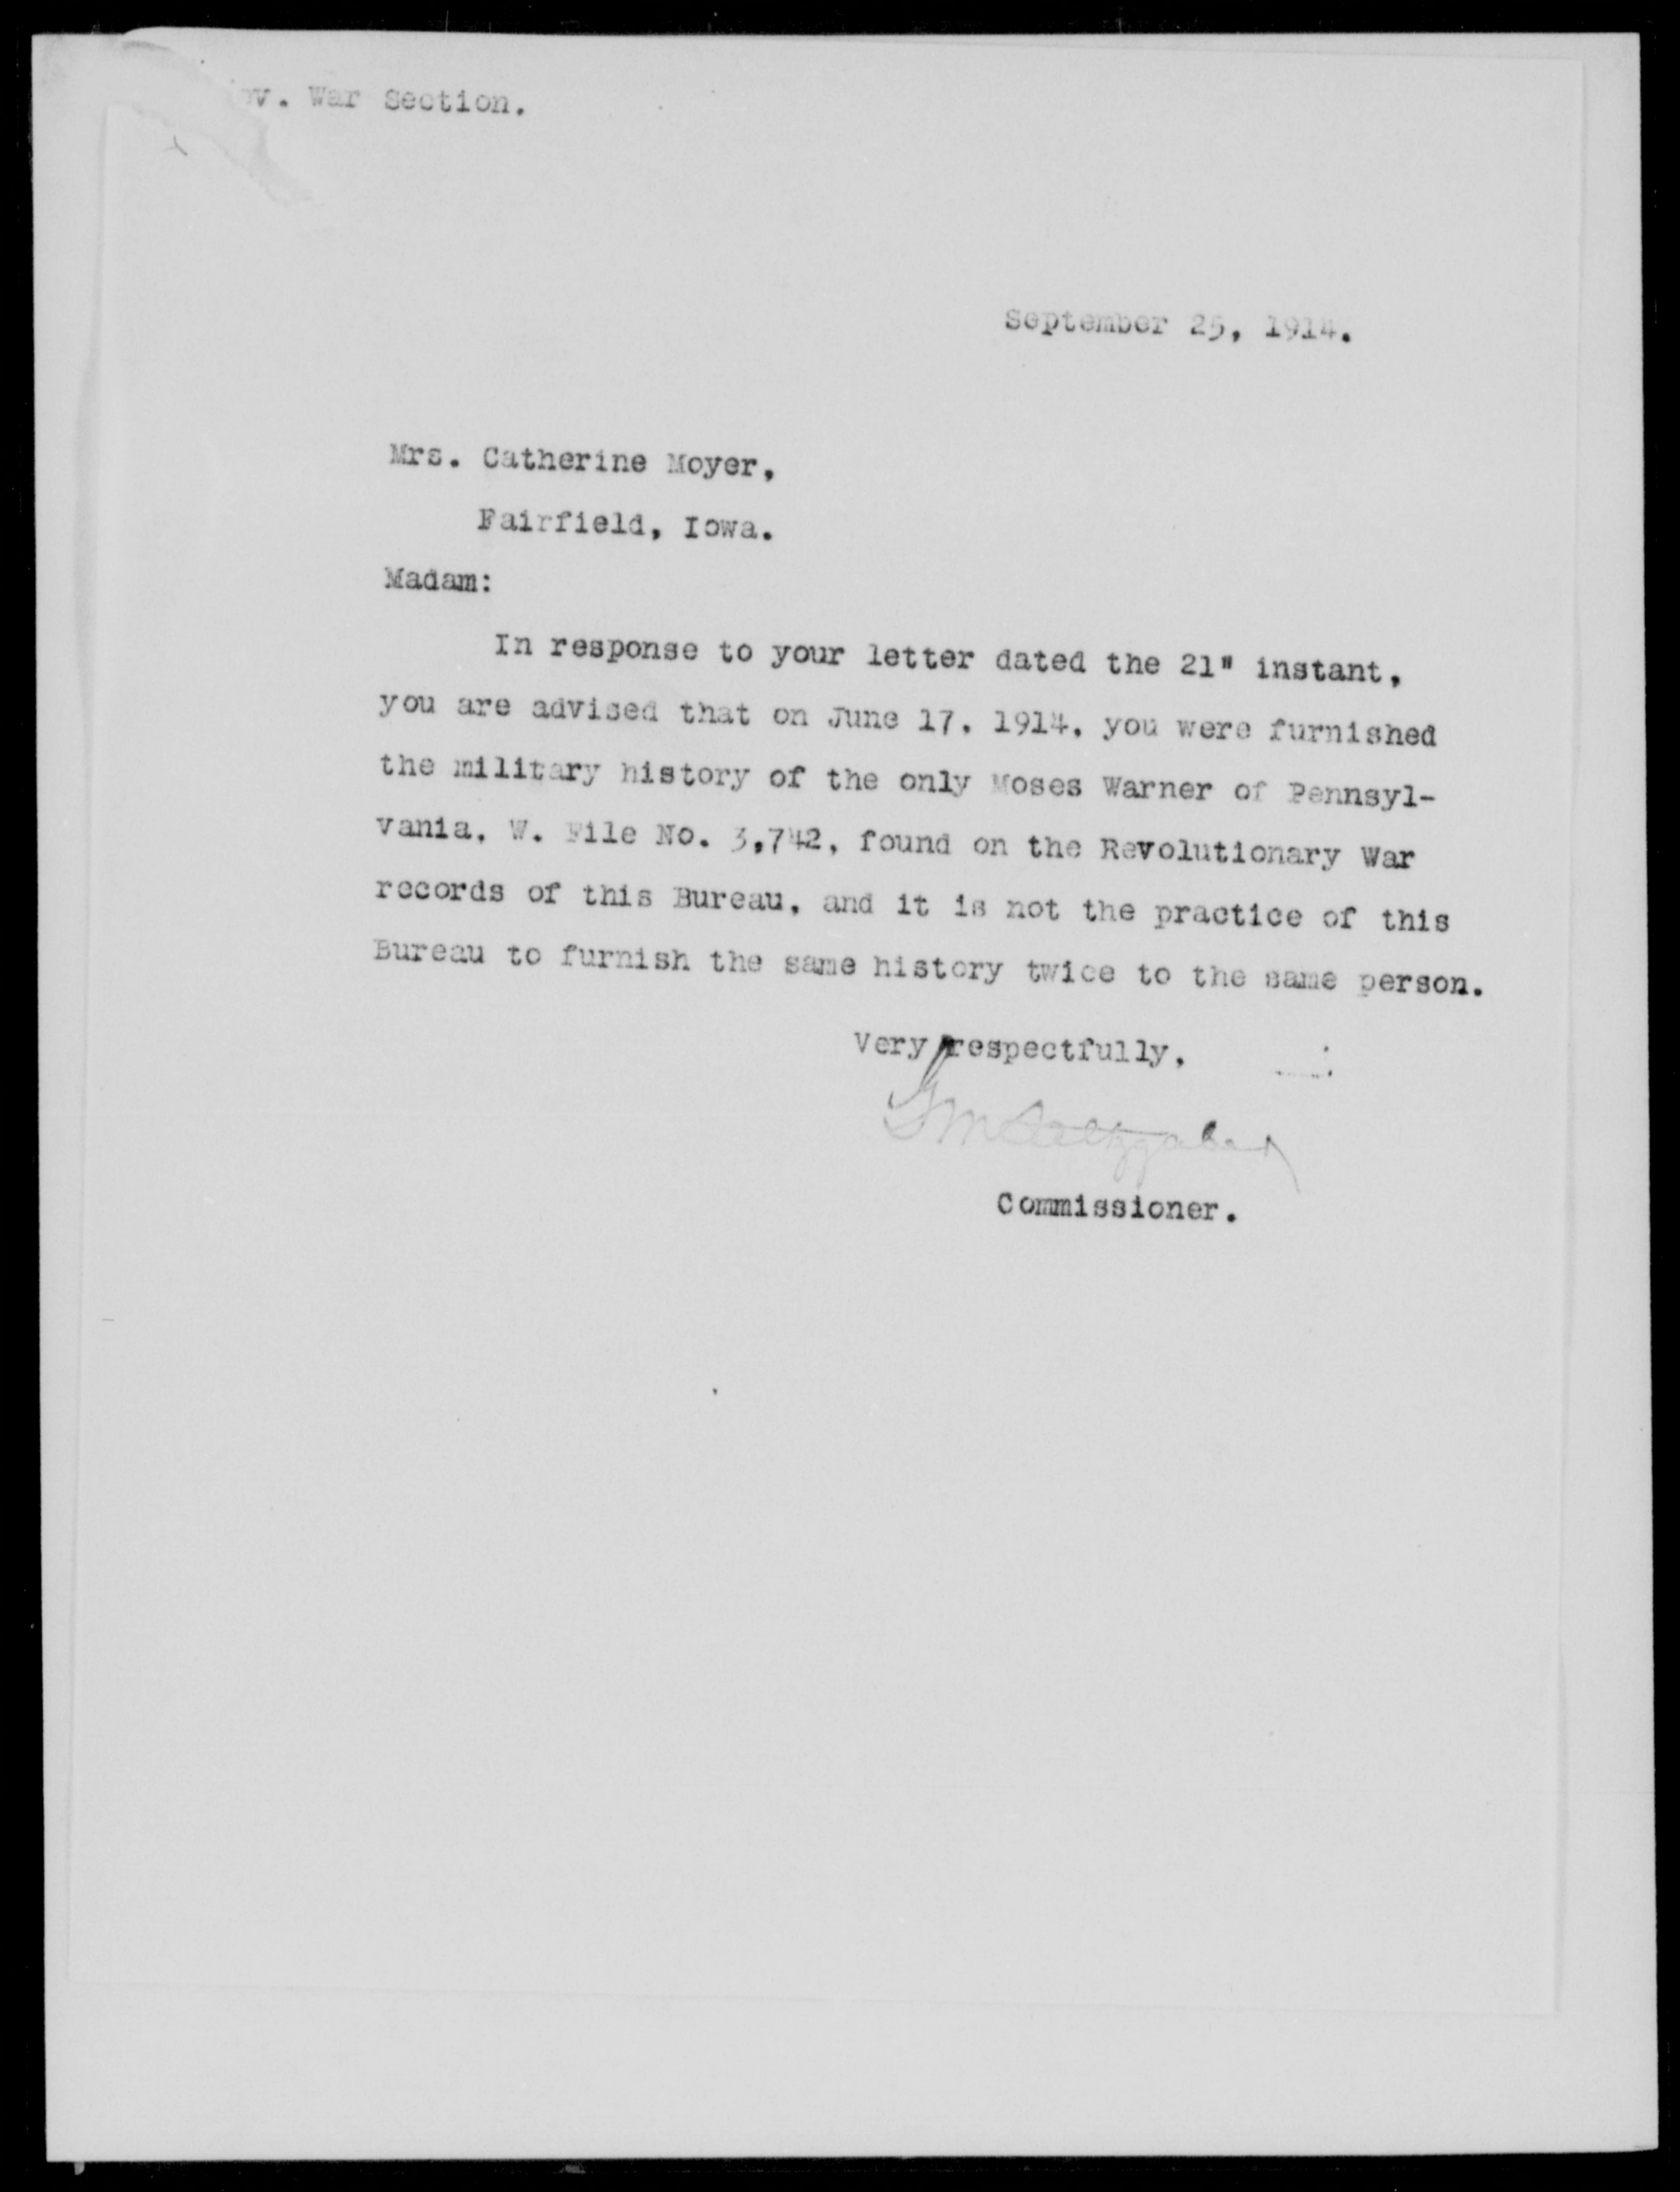Rev. War Section

September 25, 1914.

Mrs. Catherine Moyer,
Fairfield, Iowa.

Madam:
In response to your letter dated the 21" instant,
you are advised that on June 17, 1914, you were furnished
the military history of the only Moses Warner of Pennsyl-
vania, W. File No. 3,742, found on the Revolutionary War
records of this Bureau, and it is not the practice of this
Bureau to furnish the same history twice to the same person.
Very respectfully,
G M Saltzgaber
Commissioner.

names: G M Saltzgaber, Catherine Moyer, Moses Warner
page: 16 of 40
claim: widow's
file: W. 3742, Moses Warner, Conn.